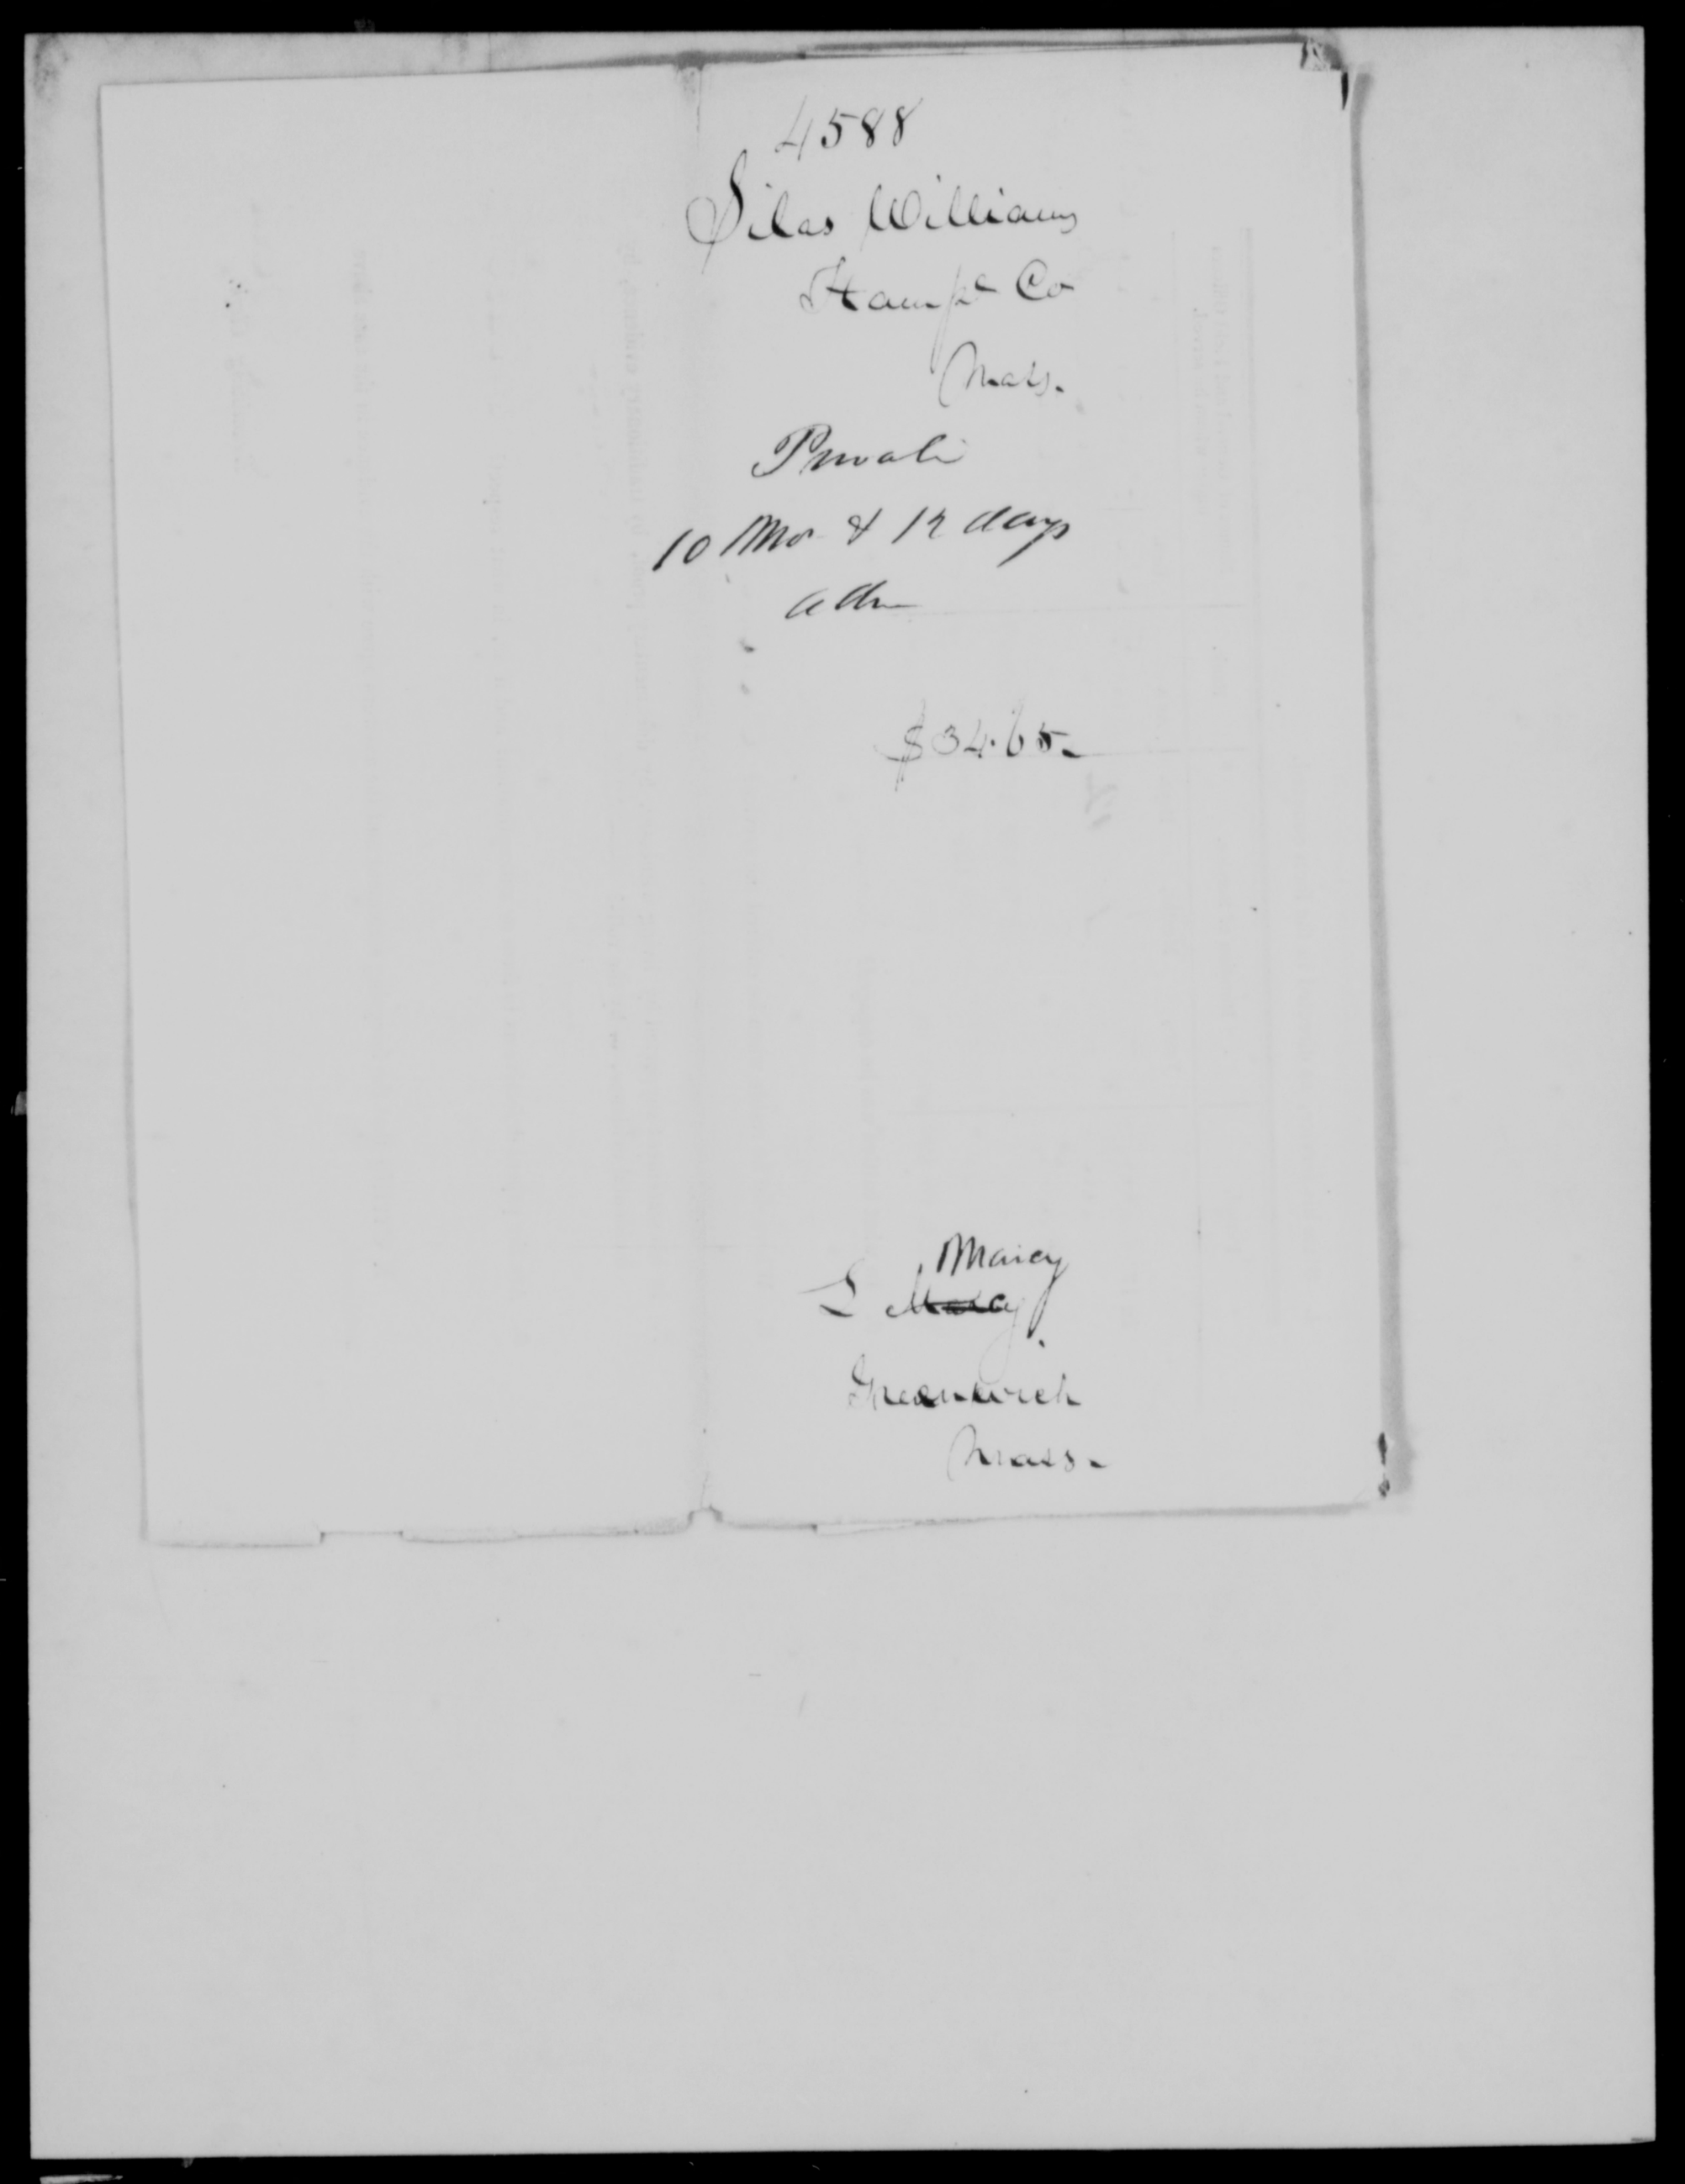4588 Silas Williams Hampe Co Mass
Private 
10 mo & 12 days
allo
$34.65

L Marcy
Greenwich
Mass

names: L Marcy, Silas Williams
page: 3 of 20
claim: survivor's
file: S. 11778, Silas Williams, Mass.